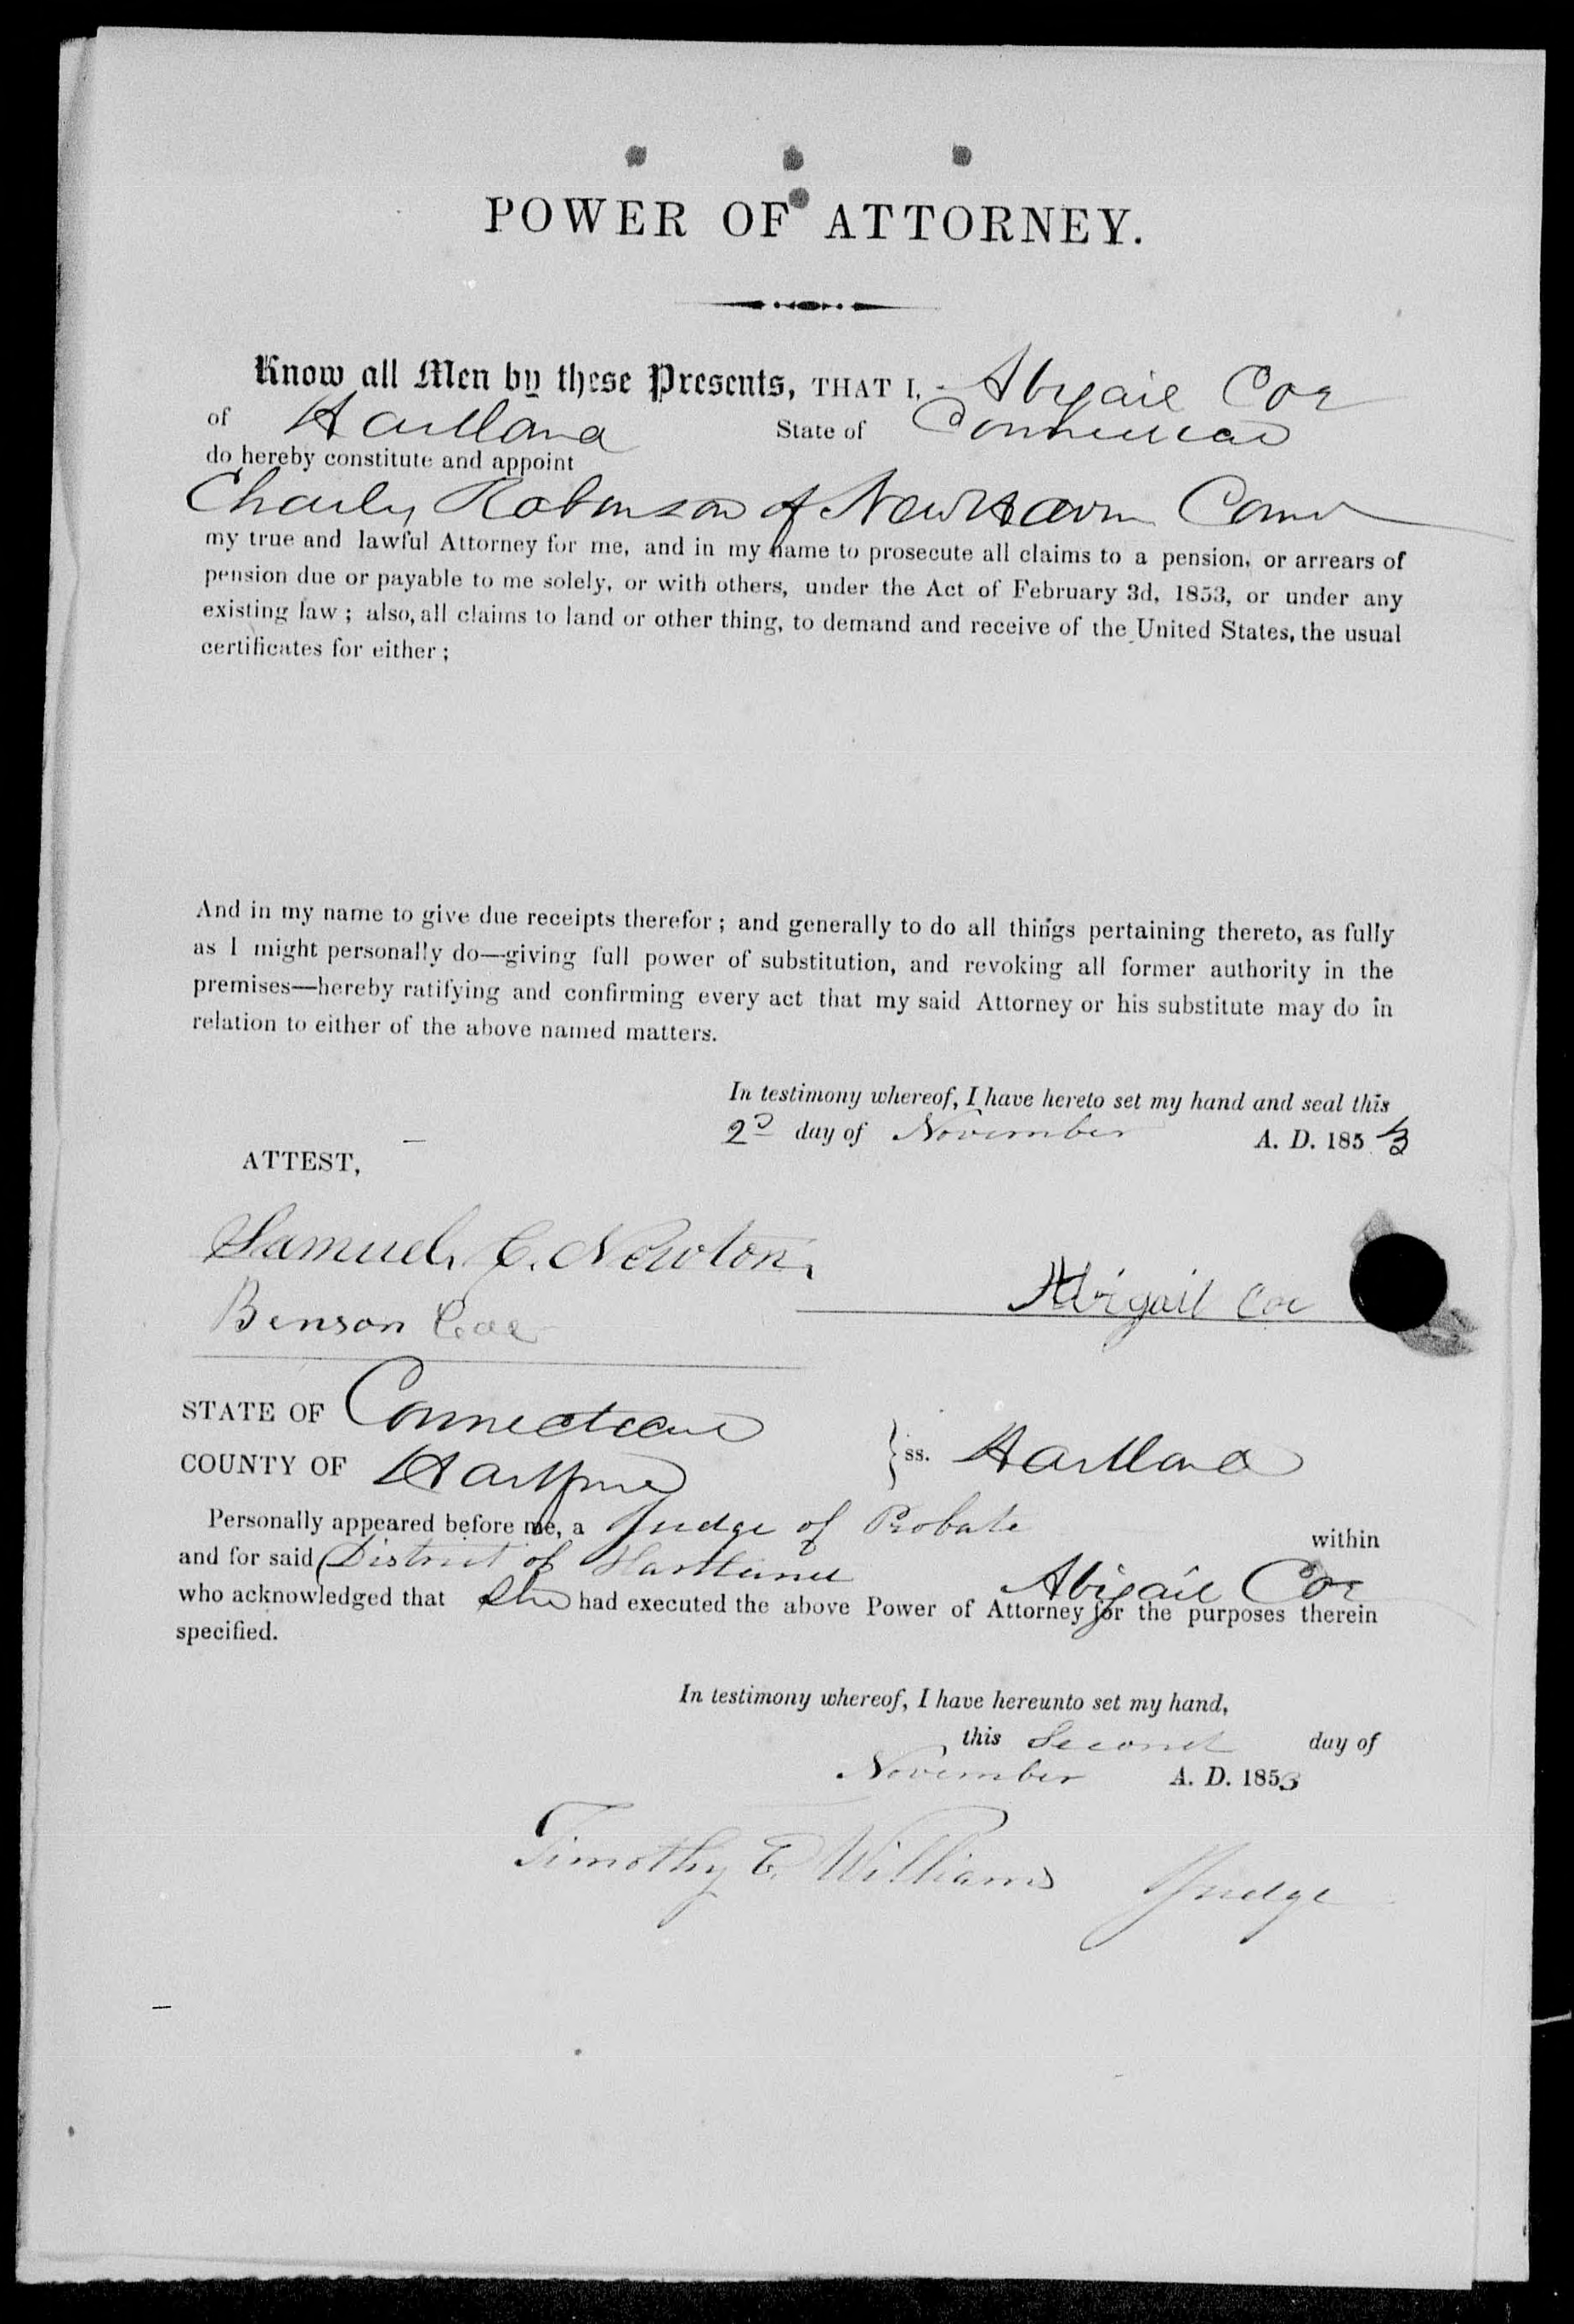POWER OF ATTORNEY
Know all Men by these Presents, THAT Abigail Coe of Hartland do hereby constitute and appoint Charles Robinson of New Haven Conn. my true and lawful Attorney for me, and is my name to prosecute all claims to a pension, or arrears of pensions due or payable to me solely, or with others, under the Act of February 3d, 1853, or under any existing law; also, all claims to land or other thing, to demand and receive of the United States, the usual certificates for either:

And in my name to give due receipts therefor: and generally due all things pertaining thereto, as fully as I might personally do-giving full power of substitution, and revoking all former authority in the premises-hereby ratifying and confirming every act that my said Attorney or his substitute  may do in relation to either of the above named matters.
In testimony whereof, I have hereto set my hand and seal this 2d day of November A.D. 1853
ATTEST,
Samuel C. Newton  Abigail Coe Benson Coe
State of Connecticut
County of Hartford
Personally appeared before me, Judge of Probate and for said District of Hartford who acknowledged that she had executed the above Power of  Attorney for the purposes therein specified.
In testimony whereof, I have hereunto set my hand, this second day of November A.D. 1853.
Timothy E Williams Judge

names: Abigail Coe, Abigail Coe, Samuel C Newton, Charles Robinson, Timothy E Williams, Benson Coe, Abigail Coe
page: 58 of 76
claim: widow's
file: W. 5,250, Timothy Coe, Conn.